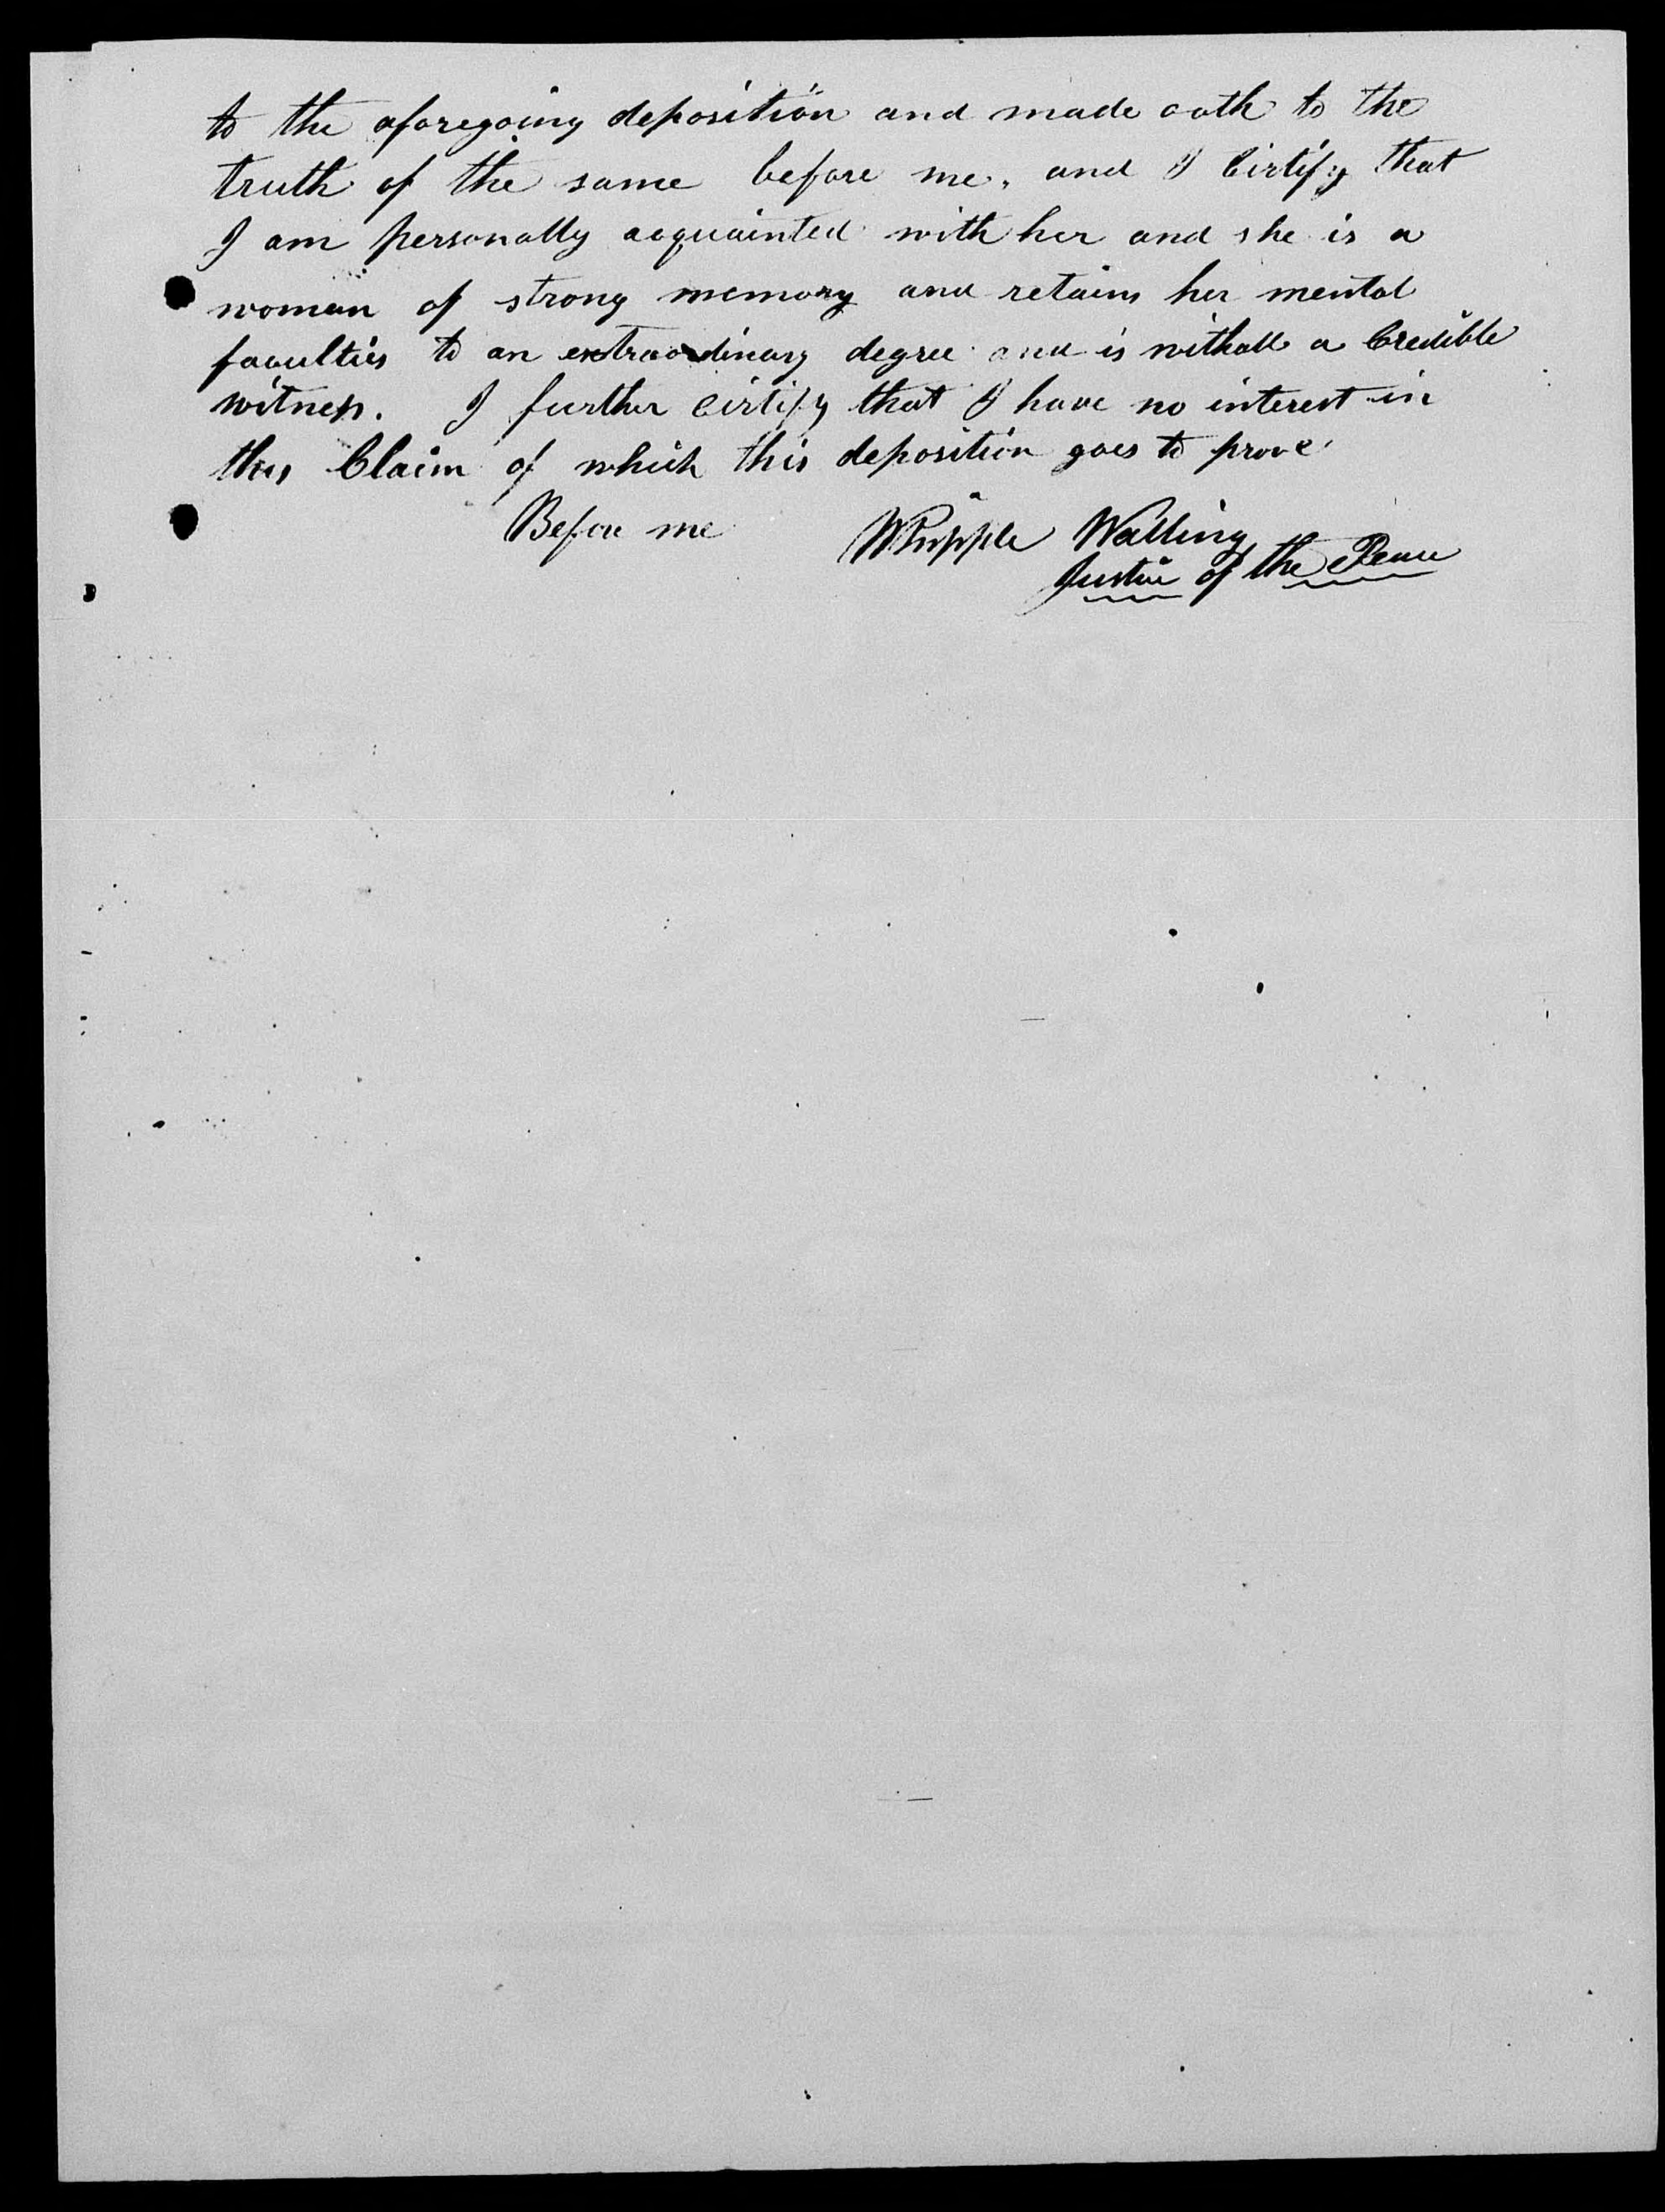to the aforegoing deposition and made oath to the truth of the same before me, and I certify that I am personally acquainted with her and she is a woman of strong memory and retains her mental faculties to an extraordinary degree and is withall a Credible witness. I further certify that I have no interest in this Claim of which this deposition goes to prove. Before me Whipple Walling Justice of the Peace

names: Whipple Walling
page: 41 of 76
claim: widow's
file: W. 15,517, William Gadcomb, R.I.